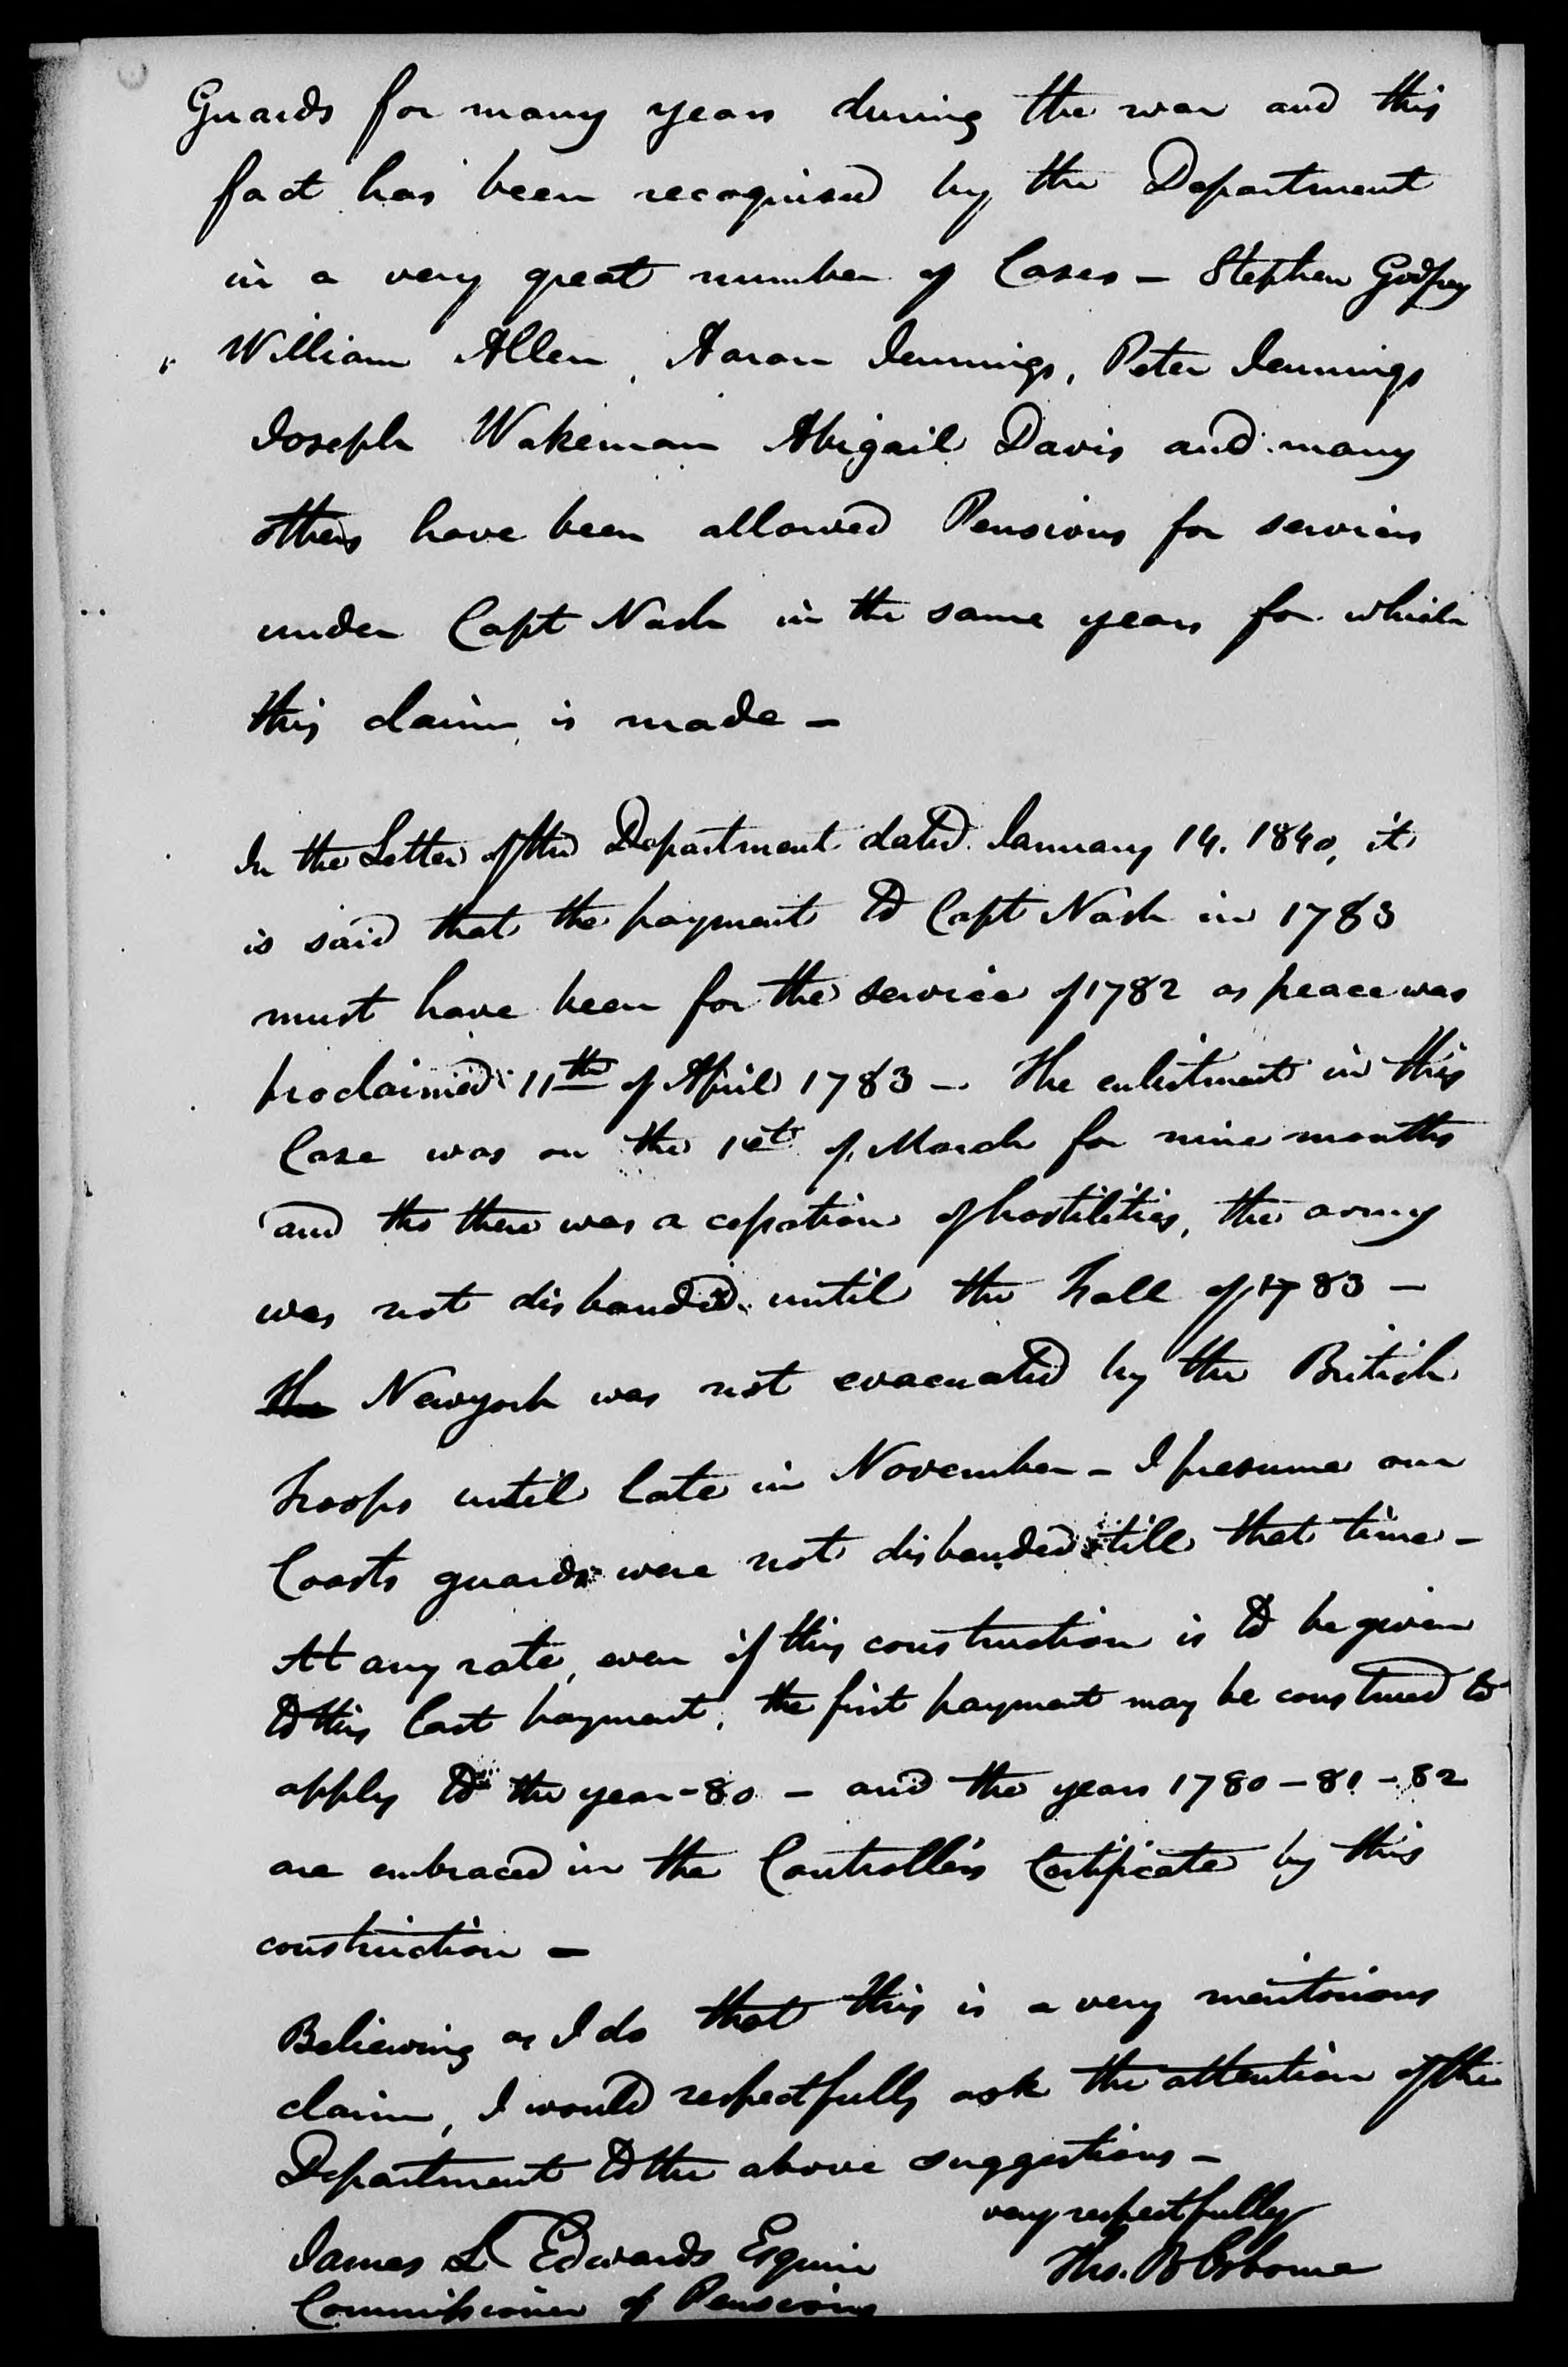guards for many years during the war and this fact has been recognized by the Department in a very great number of cases-Stephen Godfrey, William Allen, Aaron Jennings, Peter Jennings, Joseph Wakeman, Abigail Davis and many others have been allowed pensions for services under Capt Nash in the same year for which this claim is made.

In the letter of the Department dated January 14, 1840, it is said that payment to Cap tNash in 1783 must have been for the service of 1782 or peace was proclaimed 11th of April 1783- The enlistment in this case was ont eh 1st of March for nine months and tho there was a cessation of hostilities, the army was not disbanded until the fall of 1783- New York was not evacuated by the British Troops until late in November. I presume our Coast guards were not disbanded till that time-at any rate, even if this construction is to be given to this last payment, the first payment may be construed to apply to the year 80-and the years 1780-81-82 are embraced on the Controller's certificate by this construction.

Believing as I do that this a very meritinous claim, I would respectfully asl the attention of the Department to the above suggestions.

Very respectfully,
Theo. B Osborne

James L Edwards Esquire Commission of Pensions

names: Peter Jennings, Nash, Aaron Jennings, Nash, William Allen, Stephen Godfrey, Tho B Osborne, Joseph Wakeman, James L Edwards, Abigail Davis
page: 24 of 69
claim: widow's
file: W. 25562, Abijah Elwood, Conn.